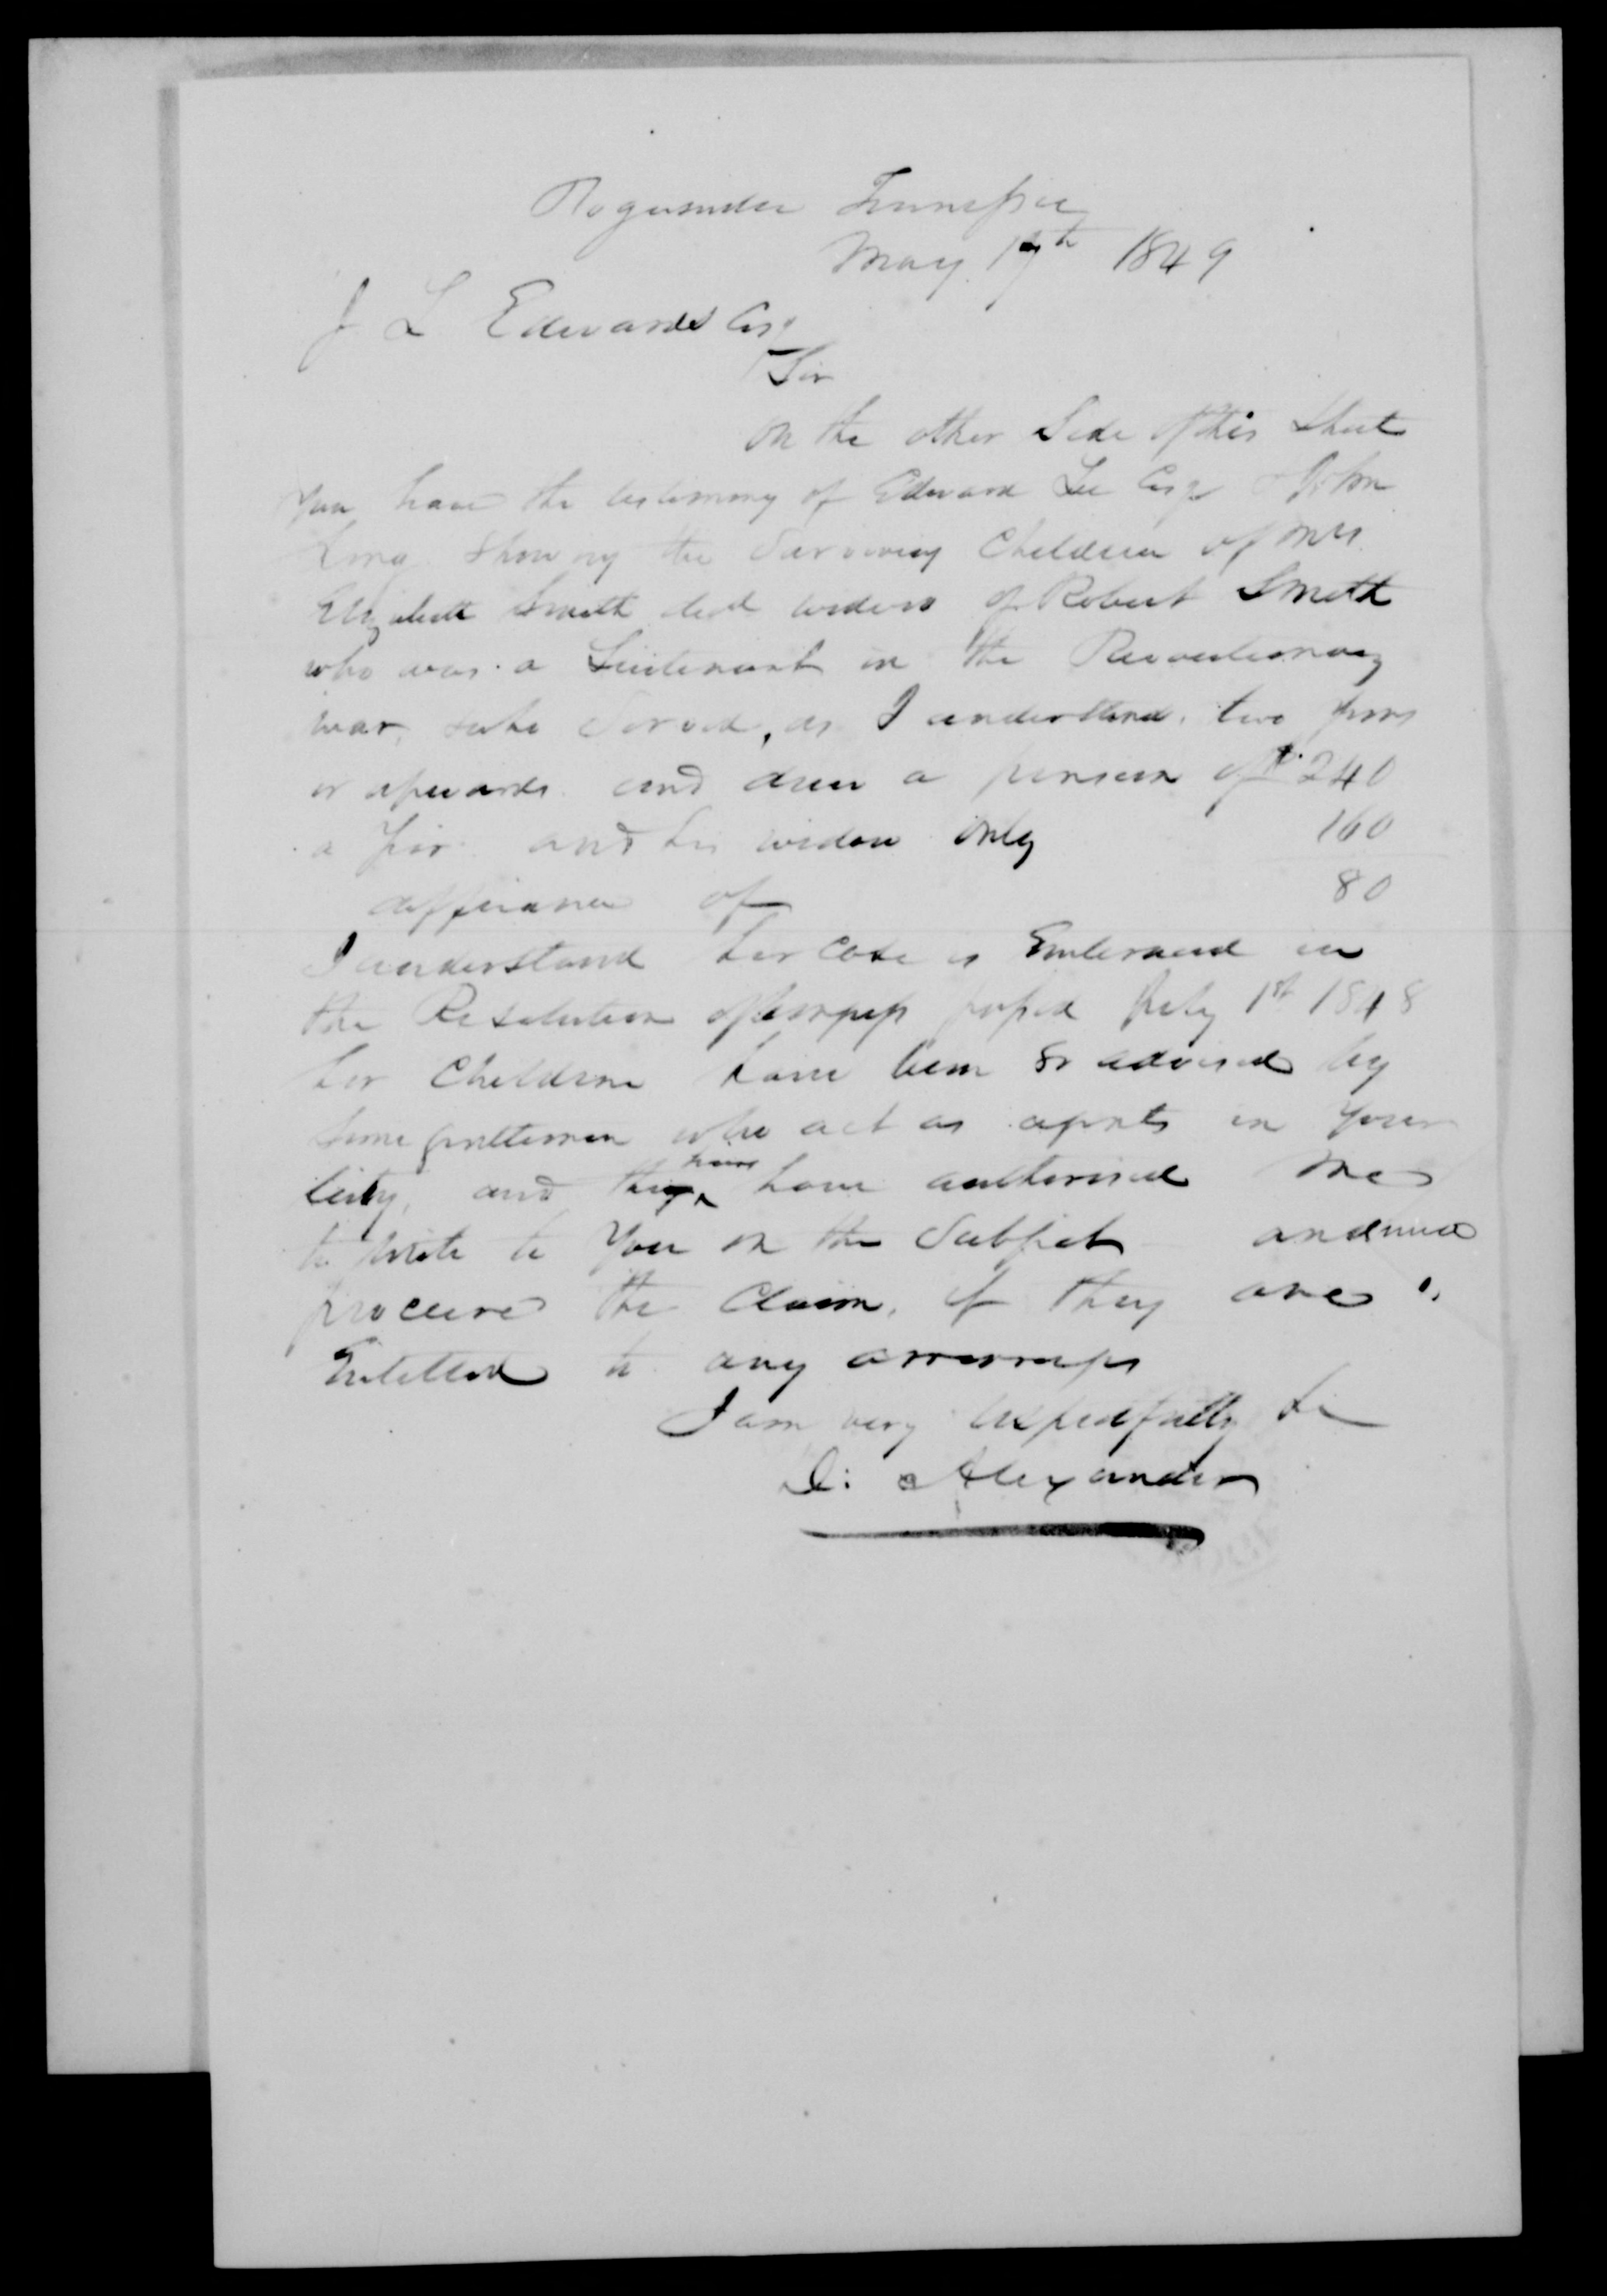Rogersmder Tennessee
May 17th 1849
JL Edwards Esq
Ten
On the other side of this sheet you have the testimony of Edward Lee  Esq & John Long showing the surviving children of Mrs Elizabeth Smith decd widow of Robert Smith who was a Lieutenant in the revolutionary war & who served as I understand two years of upwards and was a pensioner of $240
a year and his widow only 160
difference of 80
I understand her case as Emternd in the Resolution of Congress passed July 1st 1848 her children have been so advised by some gentleman who act as agents in your city and they have authorised me to write to you on the subject and procure the claim if they are entitled to any arrears
I am very respectfully 
D Alexander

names: John Long; Elizabeth Smith; J L Edwards; Robert Smith; Edward Lee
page: 23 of 79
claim: widow's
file: W. 1504, for Robert Smith, North Carolina